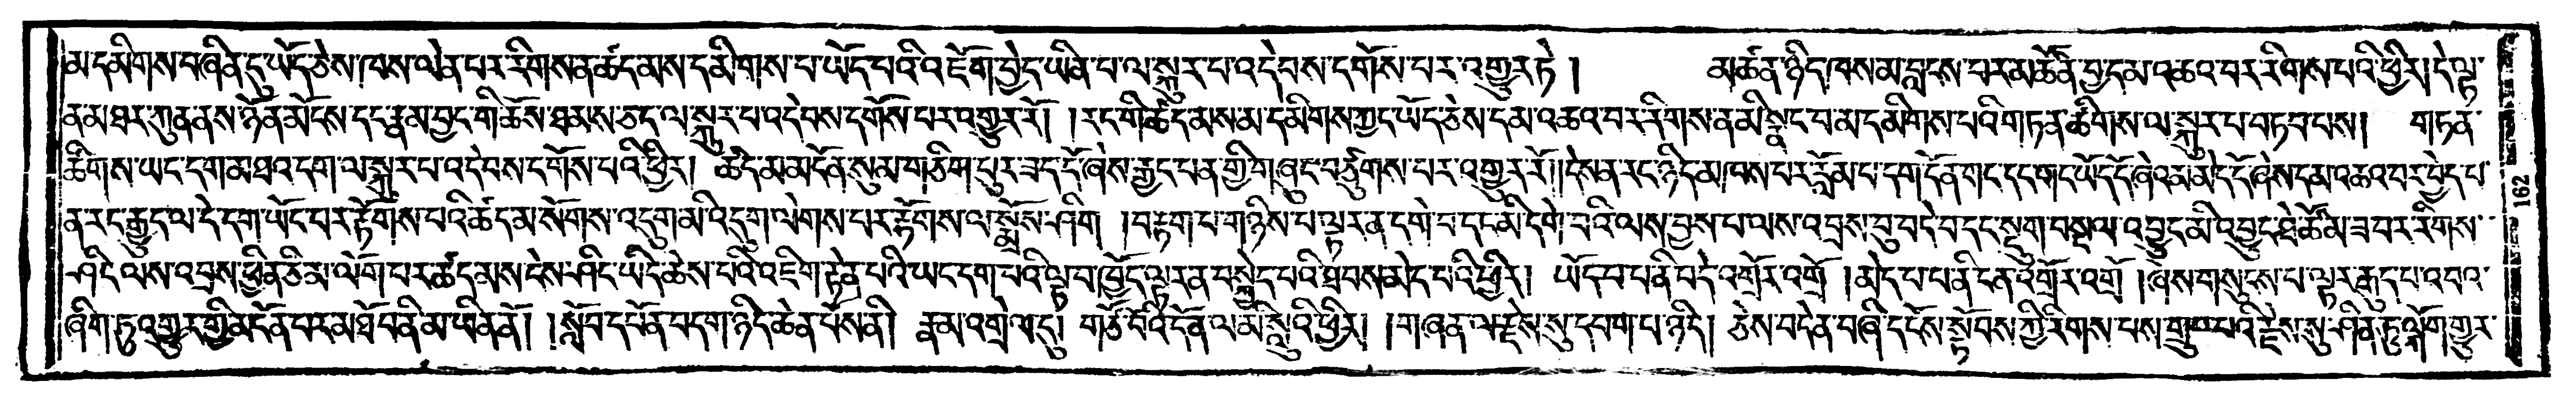མ་དམིགས་བཞིན་དུ་ཡོད་ཅེས་ཁས་ལེན་པར་རིགས་ན་ཚད་མས་དམིགས་པ་ཡོད་པའི་འཇོག་བྱེད་ཡིན་པ་ལ་སྐུར་པ་འདེབས་དགོས་པར་འགྱུར་ཏེ། མཚན་ཉིད་ཁས་མ་བླངས་པར་མཚོན་བྱ་དམ་འཆའ་བར་རིགས་པའི་ཕྱིར། དེ་ལྟ་
ན་མཐར་ཀུན་ནས་ཉོན་མོངས་དང་རྣམ་བྱང་གི་ཆོས་ཐམས་ཅད་ལ་སྐུར་པ་འདེབས་དགོས་པར་འགྱུར་རོ། །རང་གི་ཚད་མས་མ་དམིགས་ཀྱང་ཡོད་ཅེས་དམ་འཆའ་བར་རིགས་ན་མི་སྣང་བ་མ་དམིགས་པའི་གཏན་ཚིགས་ལ་སྐུར་པ་བཏབ་པས། གཏན་
ཚིགས་ཡང་དག་མཐའ་དག་ལ་སྐུར་པ་འདེབས་དགོས་པའི་ཕྱིར། ཚད་མ་མངོན་སུམ་གཅིག་པུར་ཟད་དོ་ཞེས་རྒྱང་པན་གྱི་གཞུང་བཙུགས་པར་འགྱུར་རོ། །དེས་ན་རང་ཉིད་མཁས་པར་རློམ་པ་དག་དོན་གང་དང་གང་ཡོད་དོ་ཞེའམ་མེད་དོ་ཞེས་དམ་འཆའ་བར་བྱེད་པ་
ན་རང་རྒྱུད་ལ་དེ་དག་ཡོད་པར་རྟོགས་པའི་ཚད་མ་སོགས་འདུག་མི་འདུག་ལེགས་པར་རྟོགས་ལ་སྨྲོས་ཤིག །བརྟག་པ་གཉིས་པ་ལྟར་ན་དགེ་བ་དང་མི་དགེ་བའི་ལས་བྱས་པ་ལས་འབྲས་བུ་བདེ་བ་དང་སྡུག་བསྔལ་འབྱུང་མི་འབྱུང་ཐེ་ཚོམ་ཟ་བར་རིགས་
ཤིང་ལས་འབྲས་ཕྱིན་ཅི་མ་ལོག་པར་ཚད་མས་ངེས་ཤིང་ཡིད་ཆེས་པའི་འཇིག་རྟེན་པའི་ཡང་དག་པའི་ལྟ་བ་ཁྱོད་ལྟར་ན་བསྐྱེད་པའི་ཐབས་མེད་པའི་ཕྱིར། ཡོད་བ་པ་ནི་བདེ་འགྲོར་འགྲོ་།མེད་པ་པ་ནི་ངན་འགྲོར་འགྲོ་།ཞེས་གསུངས་པ་ལྟར་རྒུད་པ་འབའ་
ཞིག་ཏུ་འགྱུར་གྱི་མངོན་བར་མཐོབ་ནི་མ་ཡིན་ནོ། །སློབ་དཔོན་བདག་ཉིད་ཆེན་པོས་ནི། རྣམ་འགྲེལ་དུ། གཙོ་བོའི་དོན་ལ་མི་སླུའི་ཕྱིར། །གཞན་ལ་རྗེས་སུ་དཔག་པ་ཉིད། ཅེས་བདེན་བཞི་དངོས་སྟོབས་ཀྱི་རིགས་པས་གྲུབ་པའི་རྗེས་སུ་ཤིན་ཏུ་ཀློག་གྱུར་